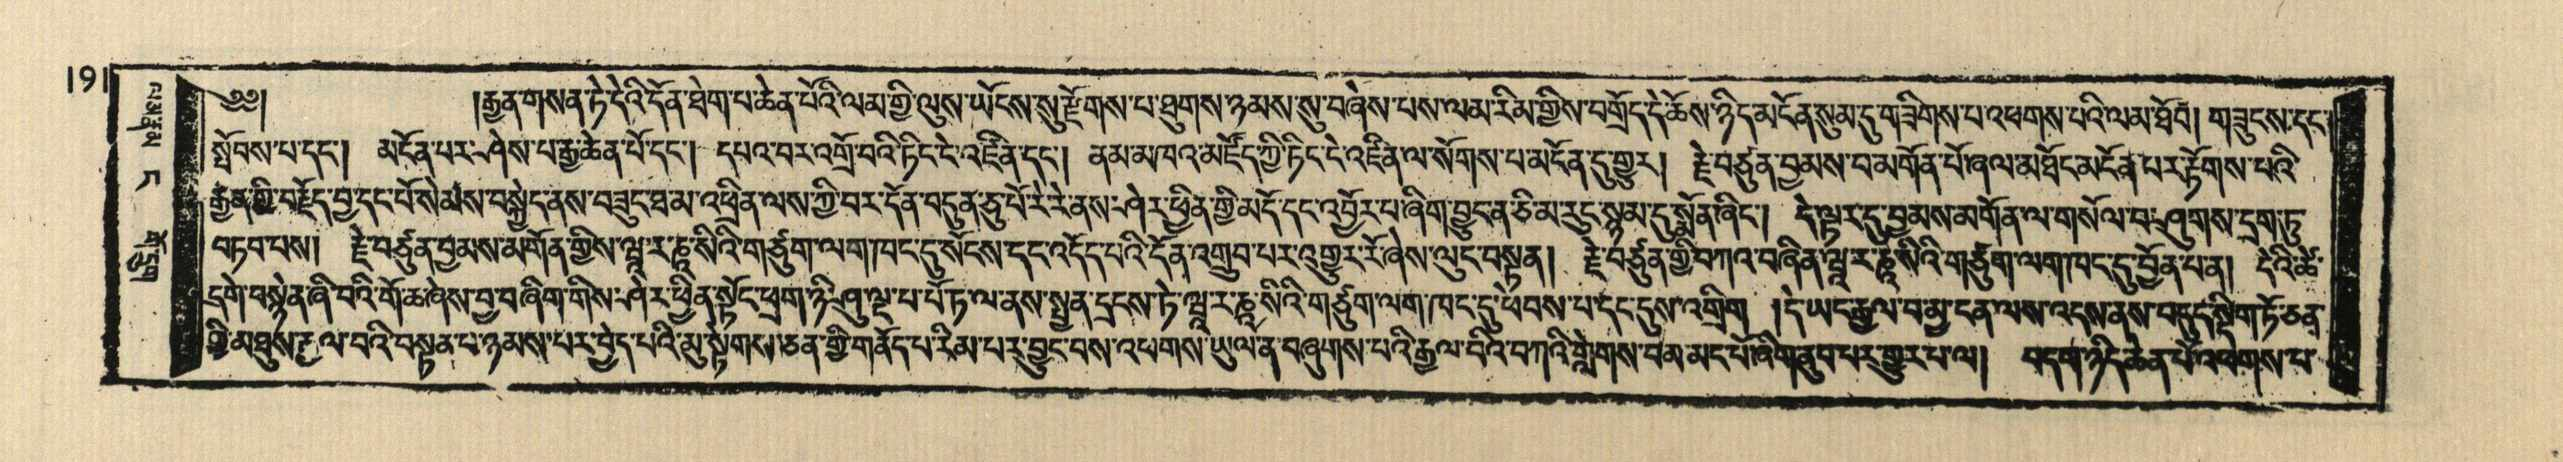༄༅། །རྒྱན་གསན་ཏེ་དེའི་དོན་ཐེག་པ་ཆེན་པོའི་ལམ་གྱི་ལུས་ཡོངས་སུ་རྫོགས་པ་ཐུགས་ཉམ་སུ་བཞེས་པས་ལམ་རིམ་གྱིས་བགྲོད་དེ་ཆོས་ཉིད་མངོན་སུམ་དུ་གཟིགས་པ་འཕགས་པའི་ལམ་ཐོབ། གཟུངས་དང་
སྤོབས་པ་དང་། མངོན་པར་ཤེས་པ་རྒྱ་ཆེན་པོ་དང་། དཔའ་བར་འགྲོ་བའི་ཏིང་ངེ་འཛིན་དང་། ནམ་མཁའ་མཛོད་ཀྱི་ཏིང་ངེ་འཛིན་ལ་སོགས་པ་མངོན་དུ་གྱུར། རྗེ་བཙུན་བྱམས་བ་མགོན་པོ་ཞལ་མཐོང་མངོན་པར་རྟོགས་པའི་
རྒྱན་གྱི་བརྗོད་བྱ་དང་པོ་སེམས་བསྐྱེད་ནས་བཟུང་ཐ་མ་འཕྲིན་ལས་ཀྱི་བར་དོན་བདུན་ཅུ་པོ་རེ་རེ་ནས་ཤེར་ཕྱིན་གྱི་མདོ་དང་འབྱོར་པ་ཞིག་བྱུང་ན་ཅི་མ་རུང་སྙམ་དུ་སྨོན་ཞིང་། དེ་ལྟར་དུ་བྱམས་མགོན་ལ་གསོལ་བ་ཤུགས་དྲག་ཏུ་
བཏབ་པས། རྗེ་བཙུན་བྱམས་མགོན་གྱིས་ཝཱ་ར་ཎཱ་སིའི་གཙུག་ལག་ཁང་དུ་སོངས་དང་འདོད་པའི་དོན་འགྲུབ་པར་འགྱུར་རོ་ཞེས་ལུང་བསྟན། རྗེ་བཙུན་གྱི་བཀའ་བཞིན་ཝཱ་ར་ཎཱ་སིའི་གཙུག་ལག་ཁང་དུ་བྱོན་པ་ན། དེའི་ཚེ་
དགེ་བསྙེན་ཞི་བའི་གོ་ཆ་ཞེས་བྱ་བ་ཞིག་གིས་ཤེར་ཕྱིན་སྟོང་ཕྲག་ཉི་ཤུ་ལྔ་པ་པོ་ཏ་ལ་ནས་སྤྱན་དྲངས་ཏེ་ཝཱ་ར་ཎཱ་སིའི་གཙུག་ལག་ཁང་དུ་ཕེབས་པ་དང་དུས་འགྲིག །དེ་ཡང་རྒྱལ་བ་མྱ་ངན་ལས་འདས་ནས་བདུད་སྡིག་ཏོ་ཅན་
གྱི་མཐུས་རྒྱལ་བའི་བསྟན་པ་ཉམས་པར་བྱེད་པའི་མུ་སྟེགས་ཅན་གྱི་གནོད་པ་རིམ་པར་བྱུང་བས་འཕགས་ཡུལ་ན་བཞུགས་པའི་རྒྱལ་བའི་བཀའི་གླེགས་བམ་མང་པོ་ཞིག་ནུབ་པར་གྱུར་པ་ལ། བདག་ཉིད་ཆེན་པོ་འཕགས་པ་